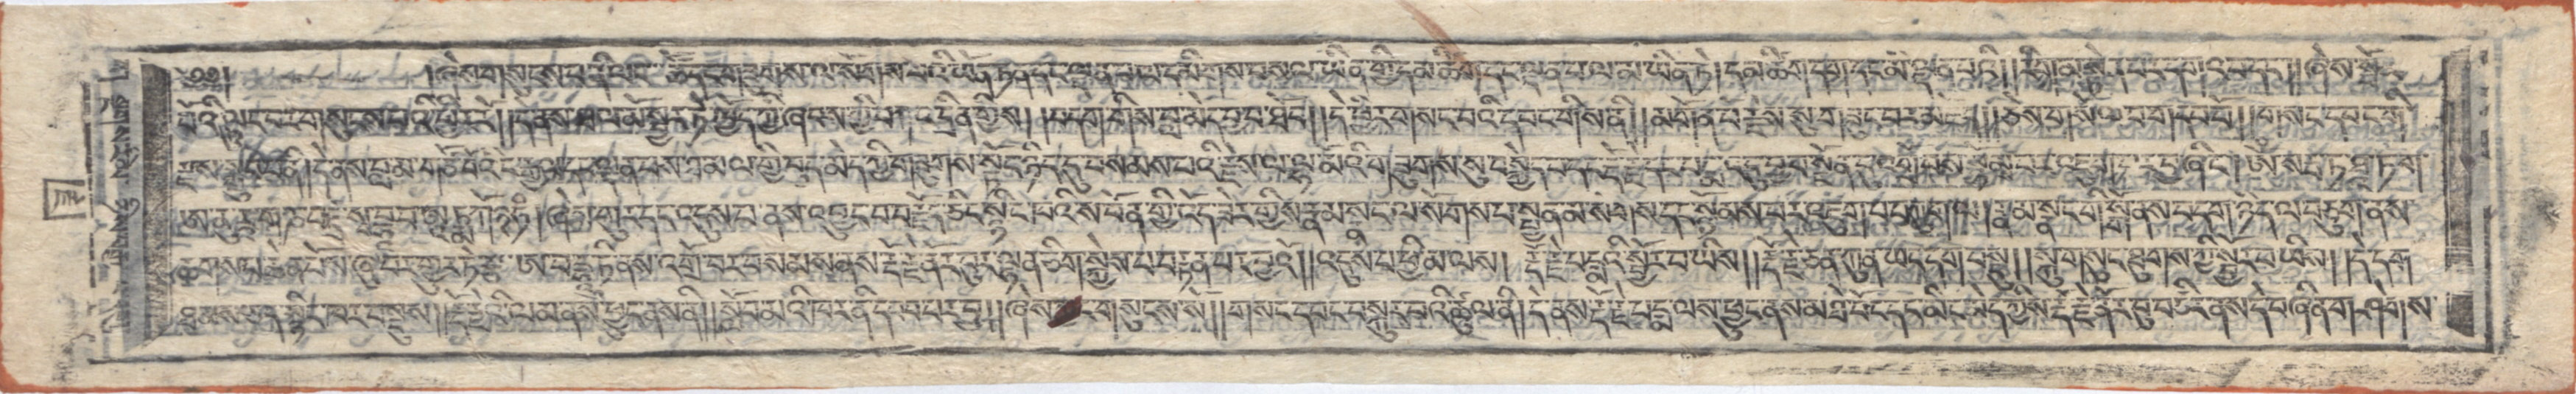༄༅། །ཞེས་གསུངས་པ་ནི་ལང་ཚོ་དང་གཟུགས་ལ་སོགས་པའི་ཡོན་ཏན་དང་ལྡན་པ་ལ་དམིགས་བསལ་ཡིན་གྱི་དམ་ཚིག་དང་ལྡན་པ་ལ་མ་ཡིན་ཏེ། དམ་ཚིག་དག་དང་མི་ལྡན་པའི། །རིག་མ་སྟེན་པར་དགའ་བ་དང་། །ཞེས་སྤོམ་
པོའི་ལྟུང་བར་གསུངས་པའི་ཕྱིར་རོ། །དེ་ནས་ཐལ་མོ་སྦྱར་ཏེ་ཁྱོད་ཀྱི་ཞབས་ཀྱི་བཀའ་དྲིན་གྱིས། །བདག་གིས་བླ་མེད་བྱ་བ་ཐོབ། །དེ་ཕྱིར་གསང་བའི་དབང་གིས་ནི། །མགོན་པོ་རྗེས་སུ་གཟུང་བར་མཛོད། །ཅེས་གསོལ་བ་གདབ་བོ། །གསང་དབང་གི་
རྫས་སྒྲུབ་པ་ནི། དེ་ནས་བླ་མ་གཙོ་བོའི་ང་རྒྱལ་དང་ལྡན་པས་ཐ་མལ་གྱི་བུད་མེད་ཀྱི་གཟུགས་སྟོང་ཉིད་དུ་བསམས་པའི་རྗེས་ལ་ལྷ་མོའི་གཟུགས་སུ་བསྐྱེད་པ་དང་རྡོ་རྗེ་དང་པདམ་འདུ་བྱ་བ་སྔོན་དུ་འགྲོ་བས་སྙོམས་པར་འཇུག་པར་བྱ་ཞིང་། ཨོཾ་སརྦ་ཏ་ཐཱ་ཏ་ག་
ཨ་ནུ་རཱ་ག་ཎ་བཛྲ་སྭ་བྷཱ་བ་ཨཱཏྨ་ཀོ་ཉ་ཧཾ། ཞེས་གུར་དང་འདུས་པ་ནས་འབྱུང་བ་བརྗོད་ཅིང་སྙིང་ཁའི་ས་བོན་གྱི་འོད་ཟེར་གྱིས་རྣམ་སྣང་ལ་སོགས་པ་སྤྱན་མ་སོགས་དང་སྙོམས་པར་འཇུག་པ་བཀུག་ལ། རྣམ་སྣང་གི་སྒོ་ནས་བདག་ཉིད་ལ་བཅུག་ནས་
ཆགས་པ་ཆེན་པོས་ཞུ་བར་གྱུར་ཏེ་རྩ་ཨ་བ་དྷཱུ་ཏི་ནས་འགྲོ་བར་བསམས་ནས་རྡོ་རྗེ་ནོར་བུར་ལྷན་ཅིག་སྐྱེས་པ་བརྟན་པར་བྱའོ། །འདུས་པ་ཕྱི་མ་ལས། རྡོ་རྗེ་པདམའི་སྦྱོར་བ་ཡིས། །རྡོ་རྗེ་ཅན་ཀུན་ཡང་དག་བསྡུ། །སྐུ་གསུང་ཐུགས་ཀྱི་སྦྱོར་བ་ཡིས། །དེ་དག་
ཐམས་ཅད་སྙིང་ཁར་བསྡུས། །རྡོ་རྗེའི་ལམ་ནས་ཕྱུང་ནས་ནི། །སློབ་མའི་ཁར་ནི་དབབ་པར་བྱ། །ཞེས་ཀྱང་གསུངས་སོ། །གསང་དབང་བསྐུར་བའི་ཚུལ་ནི། དེ་ནས་རྡོ་རྗེ་པདམ་ལས་ཕྱུང་ནས་མཐེ་བོང་དང་མིང་མེད་ཀྱིས་རྡོ་རྗེ་ནོར་བུ་བཙིར་ནས་དེ་བཞིན་གཤེགས་